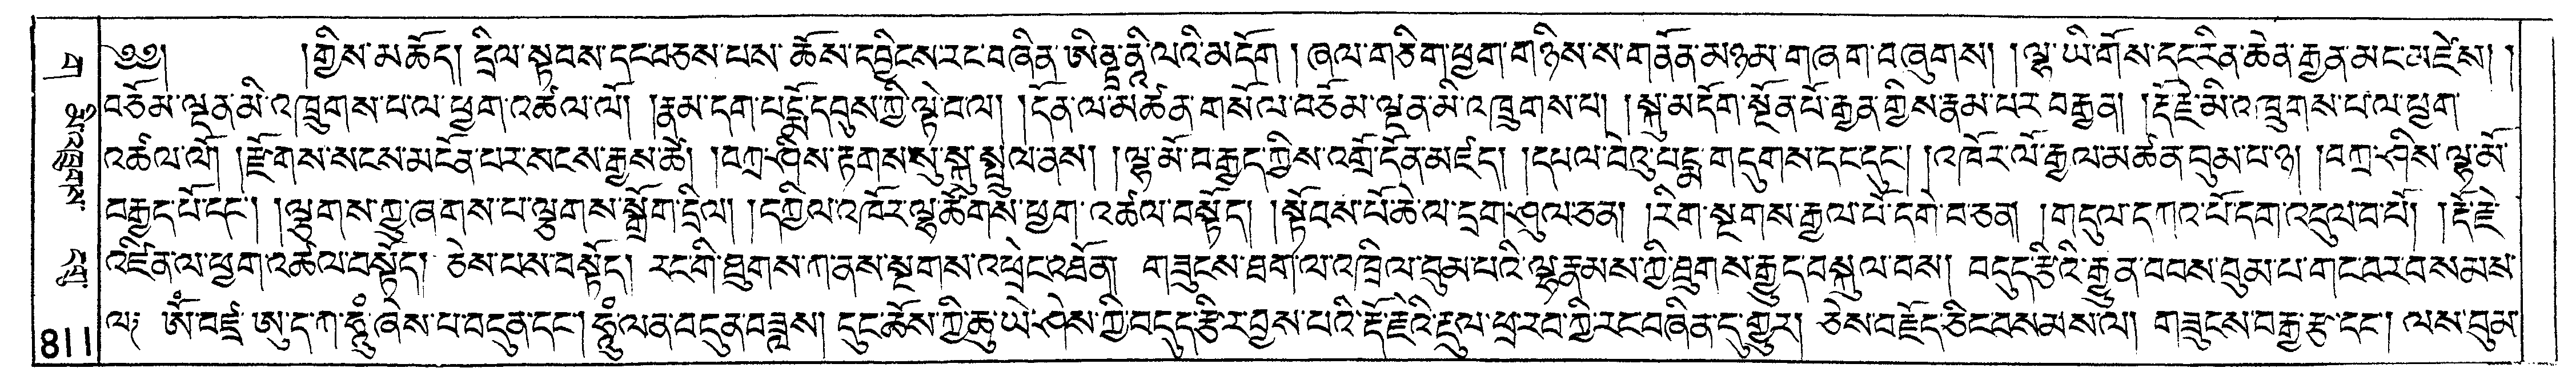༄༅། །གྱིས་མཆོད། དྲིལ་སྟབས་དང་བཅས་པས་ཆོས་དབྱིངས་རང་བཞིན་ཨིནྡྲ་ནཱི་ལའི་མདོག །ཞལ་གཅིག་ཕྱག་གཉིས་ས་གནོན་མཉམ་གཞག་བཞུགས། །ལྷ་ཡི་གོས་དང་རིན་ཆེན་རྒྱན་མང་མཛེས། །
བཅོམ་ལྡན་མི་འཁྲུགས་པ་ལ་ཕྱག་འཚལ་ལོ། །རྣམ་དག་པདམོ་དབུས་ཀྱི་ལྟེ་བ་ལ། །དོན་ལ་མཚན་གསོལ་བཅོམ་ལྡན་མི་འཁྲུགས་པ། །སྐུ་མདོག་སྔོན་པོ་རྒྱན་གྱིས་རྣམ་པར་བརྒྱན། །རྡོ་རྗེ་མི་འཁྲུགས་པ་ལ་ཕྱག་
འཚལ་ལོ། །རྫོགས་སངས་མངོན་པར་སངས་རྒྱས་ཚེ། །བཀྲ་ཤིས་རྟགས་སུ་སྐུ་སྤྲུལ་ནས། །ལྷ་མོ་བརྒྱད་ཀྱིས་འགྲོ་དོན་མཛད། །དཔལ་བེའུ་པདམ་གདུགས་དང་དུང་། །འཁོར་ལོ་རྒྱལ་མཚན་བུམ་པ་ཉ། །བཀྲ་ཤིས་ལྷ་མོ་
བརྒྱད་པོ་དང་། །ལྕགས་ཀྱུ་ཞགས་པ་ལྕགས་སྒྲོག་དྲིལ། །དཀྱིལ་འཁོར་ལྷ་ཚོགས་ཕྱག་འཚལ་བསྟོད། །སྟོབས་པོ་ཆེ་ལ་དྲག་ཤུལ་ཅན། །རིག་སྔགས་རྒྱལ་པོ་དགེ་བ་ཅན། །གདུལ་དཀའ་པོ་དག་འདུལ་བ་པོ། །རྡོ་རྗེ་
འཛིན་ལ་ཕྱག་འཚལ་བསྟོད། ཅེས་པས་བསྟོད། རང་གི་ཐུགས་ཀ་ནས་སྔགས་འཕྲེང་འཐོན། གཟུངས་ཐག་ལ་འཁྲིལ་བུམ་པའི་ལྷ་རྣམས་ཀྱི་ཐུགས་རྒྱུད་བསྐུལ་བས། བདུད་རྩིའི་རྒྱུན་བབས་བུམ་པ་གང་བར་བསམས་
ལ༑ ཨོཾ་བཛྲ་ཨུ་ད་ཀ་ཧཱུཾ་ཞེས་པ་བདུན་དང་། ཧཱུཾ་ལན་བདུན་བཟླས། དུང་ཆོས་ཀྱི་ཆུ་ཡེ་ཤེས་ཀྱི་བདུད་རྩིར་བྱས་པའི་རྡོ་རྗེའི་རྡུལ་ཕྲ་རབ་ཀྱི་རང་བཞིན་དུ་གྱུར། ཅེས་བརྗོད་ཅིང་བསམས་ལ། གཟུངས་བརྒྱ་རྩ་དང་། ལས་བུམ་